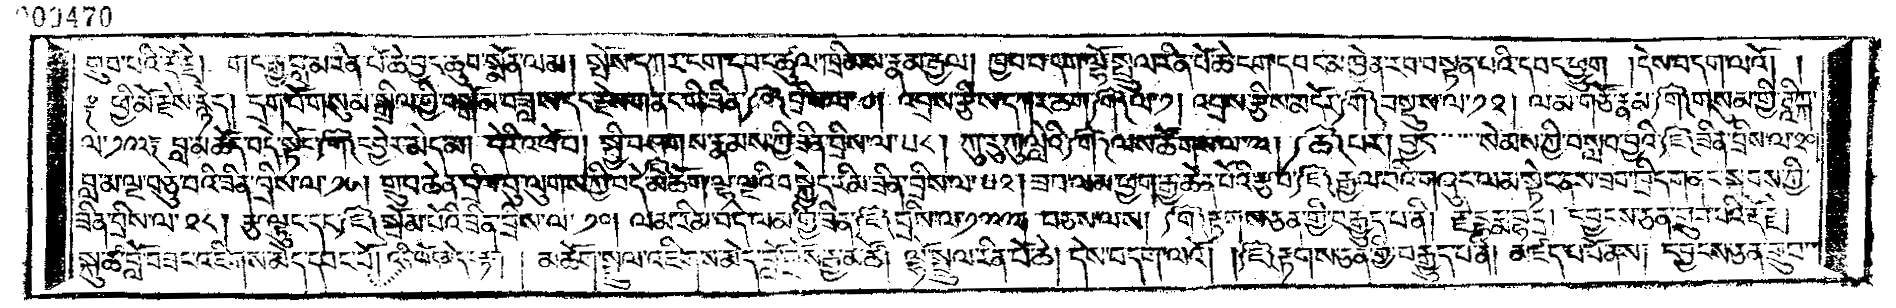གྲུབ་པའི་རྡོ་རྗེ། གང་རྒྱ་བླ་མ་རིན་པོ་ཆེ་བྱང་ཆུབ་སྨོན་ལམ། སྤོས་དཀར་དག་དབང་ཚུལ་ཁྲིམས་རྣམ་རྒྱལ། ཁྱབ་བདག་ལྷོ་སྤྲུལ་རིན་པ་ཆེ་དག་དབང་མཁྱེན་རབ་བསྟན་པའི་དབང་ཕྱུག །དེས་བདག་ལའོ།།
༑ ཕྱི་མོ་རྗེས་རྙེད། དྲག་པོ་གསུམ་སྒྲིལ་གྱི་བསྒོམ་བཟླས་དང་རྗེས་གནང་གི་ཟིན ༼྾༽ བྲིས་ལ ༧། འབྲས་རྩིས་དཀར་ཆག ༼ག༽ ལ ༡། འབྲས་རྩིས་མདོར ༼ག༽ བསྡུས་ལ ༡༢། ལམ་གཙོ་རྣམ ༼ག༽ གསུམ་གྱི་ཊཱིཀྐ་
ལ༡༣༑ བླ་མཆོད་བདེ་སྟོང ༼ག༽ དབྱེར་མེད་མ། དེའི་འཕོ་བ། སྤྱི་བཤགས་རྣམས་ཀྱི་ཟིན་བྲིས་ལ ༥༨། ཀུ་རུ་ཀུལླེའི ༼ག༽ ལས་ཚོགས་ལ ༣། ༼ཆ༽ པར། བྱང་སེམས་ཀྱི་བསླབ་བྱའི ༼ཇ༽ ཟིན་བྲིས་ལ༢༠།
བླ་མ་ལྔ་བཅུ་བའི་ཟིན་བྲིས་ལ ༡༦། གྲུབ་ཆེན་དྲིལ་བུ་ལུགས་ཀྱི་བདེ་མཆོག་ལྷ་ལྔའི་བསྐྱེད་རིམ་ཟིན་བྲིས་ལ༥༢། ཟབ་ལམ་ཕྱག་རྒྱ་ཆེན་པོའི་རྩ་བ༼ཇ༽ རྒྱལ་བའི་གཞུང་ལམ་སྟེང་ནས་ཟབ་ཁྲིད་གནང་སྐབས་ཀྱི་
ཟིན་བྲིས་ལ༢༨། རྩ་ལྟུང་དང ༼ཇ༽ སྦོམ་པོའི་ཟིན་བྲིས་ལ༡༠། ལམ་རིམ་བདེ་ལམ་གྱི་ཟིན ༼ཇ༽ བྲིས་ལ༡༣༣། བཅས་ལས། ༼ག༽ རྟགས་ཅན་གྱི་བརྒྱུད་པ་ནི། རྗེ་དྷརྨ་བྷདྲ། དབྱངས་ཅན་གྲུབ་པའི་རྡོ་རྗེ།
སྐུ་ཚ་བློ་བཟང་འཇིགས་མེད་དབང་པོ་འདི་ཡོད་མེད་བརྟག །མཆོག་སྤྲུལ་འཇིགས་མེད་བློ་གྲོས་རྒྱ་མཚོ། ལྷོ་སྤྲུལ་རིན་པོ་ཆེ། དེས་བདག་ལའོ། །༼ཇ༽ རྟགས་ཅན་གྱི་བརྒྱུད་པ་ནི། མཛད་པ་པོ་ནས། དབྱངས་ཅན་གྲུབ་